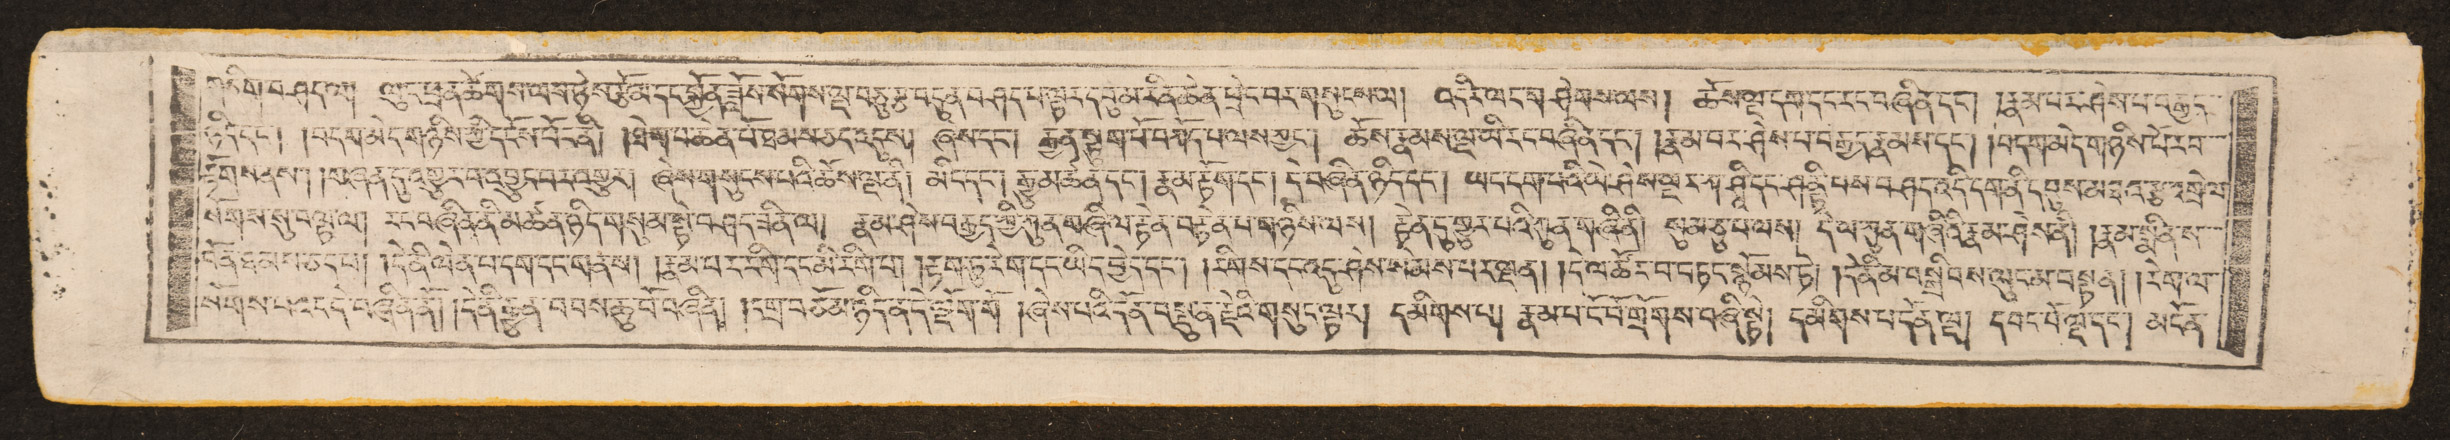གཅིག་བཤད་ལ། ལུང་ཕྲན་ཚེགས་ལས་ཉེས་རྩོམ་དང་སྐྱོན་ཟློས་སོགས་ལྔ་བཅུ་རྩ་བདུན་བཤད་པ་ལྟར་དབུ་མ་རིན་ཆེན་ཕྲེང་བར་གསུངས་ལ། འདིར་ཡང་གཤེགས་ལས། ཆོས་ལྔ་དག་དང་རང་བཞིན་དང་། །རྣམ་པར་ཤེས་པ་བརྒྱད་
ཉིད་དང་། །བདག་མེད་གཉིས་ཀྱི་དངོས་པོར་ནི། །ཐེག་པ་ཆེན་པོ་ཐམས་ཅད་འདུས། ཞེས་དང་། རྒྱན་སྟུག་པོ་བཀོད་པ་ལས་ཀྱང་། ཆོས་རྣམས་ལྔ་ཡི་རང་བཞིན་དང་། །རྣམ་པར་ཤེས་པ་བརྒྱད་རྣམས་དང་། །བདག་མེད་གཉིས་པོ་རབ་
རྟོགས་ནས། །གཞན་དུ་འགྱུར་བ་འབྱུང་བར་འགྱུར། ཞེས་གསུངས་པའི་ཆོས་ལྔ་ནི། མིང་དང་། རྒྱུ་མཚན་དང་། རྣམ་རྟོག་དང་། དེ་བཞིན་ཉིད་དང་། ཡང་དག་པའི་ཡེ་ཤེས་ལྔར་ཀ་ཤཱི་དང་ཤནྟི་པས་བཤད་འདི་དག་ནི་དབུས་མཐའ་རྩ་འགྲེལ་
སོགས་སུ་བལྟ་ལ། རང་བཞིན་ནི་མཚན་ཉིད་གསུམ་སྟེ་བཤད་ཟིན་ལ། རྣམ་ཤེས་བརྒྱད་ཀྱི་ཀུན་གཞི་ལ་རྟེན་བརྟེན་པ་གཉིས་ལས། རྟེན་དུ་གྱུར་པའི་ཀུན་གཞི་ནི། སུམ་ཅུ་པ་ལས། དེ་ལ་ཀུན་གཞིའི་རྣམ་ཤེས་ནི། །རྣམ་སྨིན་ས་
བོན་ཐམས་ཅད་པ། །དེ་ནི་ལེན་བདག་དང་གནས། །རྣམ་པར་རིག་དང་མི་རིག་པ། །རྟག་ཏུ་རེག་དང་ཡིད་བྱེད་དང་། །རིགས་དང་འདུ་ཤེས་སེམས་པར་ལྡན། །དེ་ལ་ཚོར་བ་བཏང་སྙོམས་ཏེ། །དེ་ནི་མ་བསྒྲིབས་ལུང་མ་བསྟན། །རེག་ལ་
སོགས་པའང་དེ་བཞིན་ནོ། །དེ་ནི་རྒྱུན་བབས་ཆུ་བོ་བཞིན། །དགྲ་བཅོམ་ཉིད་ན་དེ་ལྡོག་གོ །ཞེས་པའི་དོན་བསྡུ་ན་རྗེའི་གསུང་ལྟར། དམིགས་པ། རྣམ་པ་ངོ་བོ་གྲོགས་བཞི་སྟེ། དམིགས་པ་དོན་ལྔ། དབང་པོ་ལྔ་དང་། མངོན་